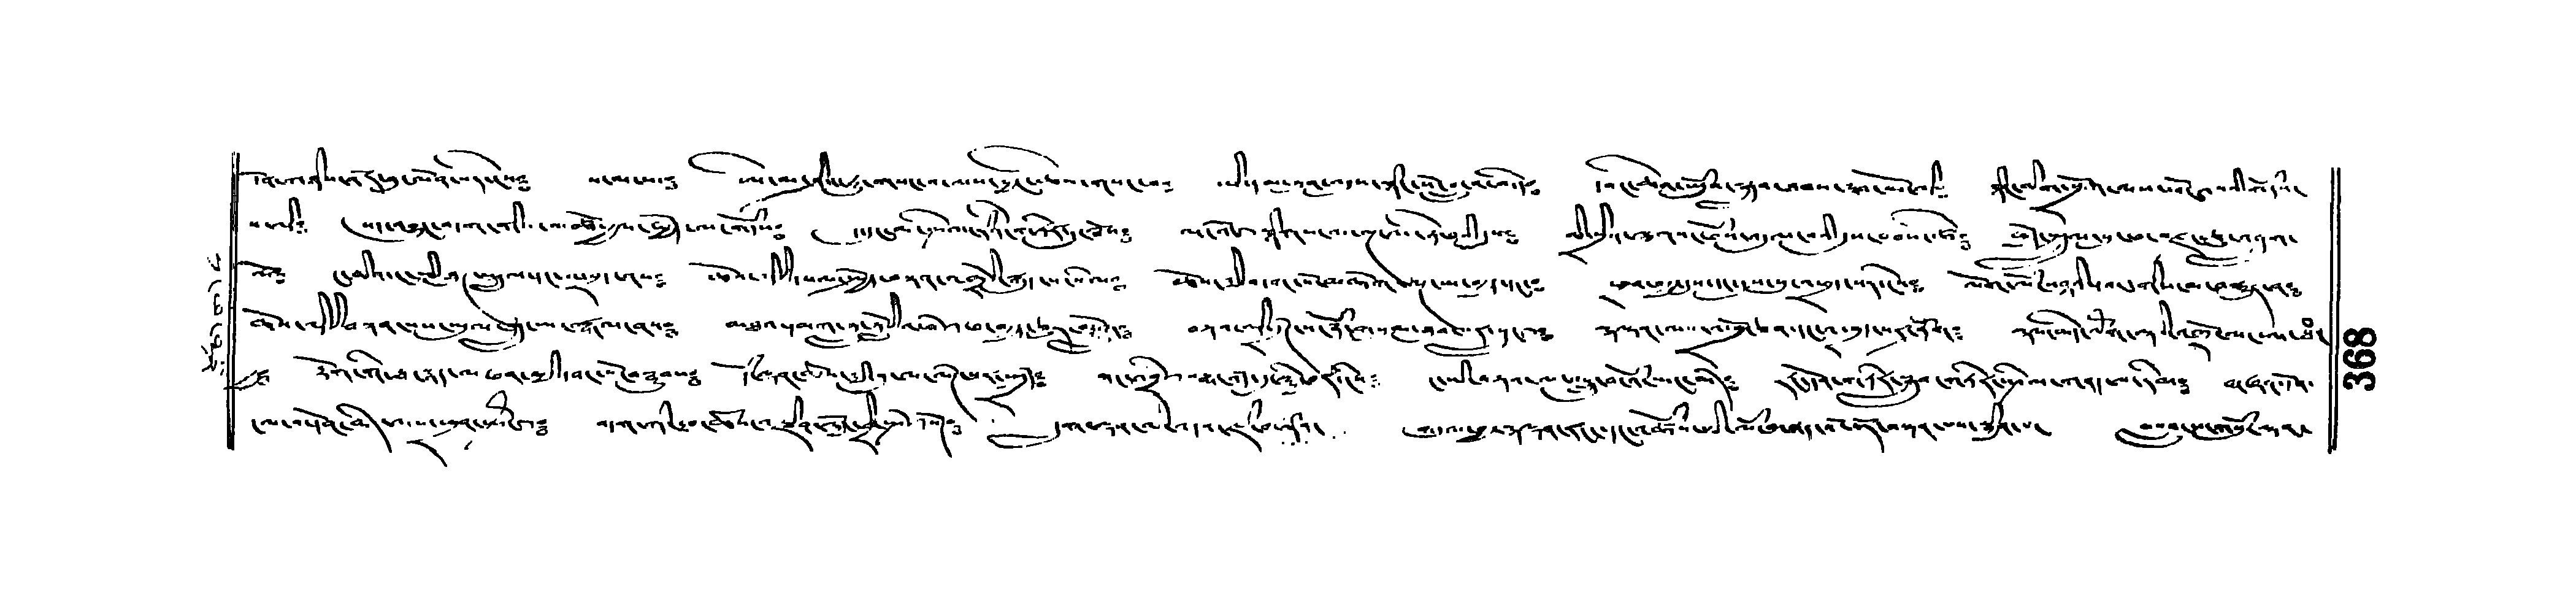དོན་གཉིས་ནོར་བུ་ལོན་པར་ངེས༔ ས་མ་ཡ༔ ཨེ་མ༔ཤིན་ཏུ་གསང་བ་ལས་ཀྱང་ཆེས་གསང་བ༔ ཡི་དམ་ཀུན་འདུས་སྙིང་པོ་བླ་ན་མེད༔ དབང་ཆེན་ཡབ་ཡུམ་སྒྲུབ་ཐབས་ཟབ་མོ་འདི༔ སྙིང་མིག་སྲོག་ལས་ཕངས་པའི་གདམས་པ་འདི༔ 
པ་ཨི་ པད་འབྱུང་བདག་གིས་མཚོ་རྒྱལ་ཁྱེད་ལ་གདམས༔ ད་དུང་མ་སྤེལ་རིན་ཆེན་གཏེར་དུ་སྦོས༔ མ་འོངས་སྙིགས་མ་ལྔ་ལ་ཉེ་བའི་དུས༔ མི་སྲིན་ལྕགས་ཁམས་འདུལ་བའི་དུས་བབས་ཚེ༔ ཁྱོད་སྤྲུལ་སུ་ཁ་བཛྲ་ཆུ་འབྲུག་
ལོ༔ ང་མིན་ང་ཡི་ཐུགས་སྤྲུལ་དང་ཕྲད་ནས༔ ཆོས་འདིའི་དཔལ་སྤྱོད་བསྟན་འགྲོའི་རྒུད་པ་སེལ༔ ཆོས་ཀྱི་བདག་པོ་མཆོག་ལྔ་ཡ་བརྒྱད་དང༔ ཕྲན་བརྒྱ་དུས་དང་དུས་སུ་འཕྲད་པར་ངེས༔ ལོག་ལམ་སཔྟའི་དབང་གིས་མ་བསྒྱུར་ན༔ 
ཆོས་འདིའི་བསྟན་པས་ཡུལ་གྲུ་ལ་བརྒལ་ནས༔ མཐའ་དམག་ཀླ་ཀློའི་འཕེལ་ཁ་བརྒྱད་ཅུར་བཟློག༔ བཀའ་འདི་དྲེགས་པ་རྣམ་གསུམ་ཐུབ་པར་སྲུངས༔ སྐལ་ལྡན་ལས་འཕྲོ་ཅན་དང་འཕྲད་པར་ཤོག༔ སྐལ་མེད་ལོག་ལྟའི་འགྲོ་ལ་ཨ་ཐཾ་
རྒྱ༔ རྟོག་གེ་ཐ་སྙད་མཁན་གྱི་དབང་པོ་བསྣུབས༔ དམ་ལྡན་ཆོས་ཀྱི་བུ་ལ་ལེགས་པར་སྤྲོད༔ གང་འབྲེལ་པདྨ་འོད་དུ་སྐྱེ་བོར་ངེས༔ ང་ཡི་བཀའ་ལ་བསླུ་བ་ནམ་ཡང་མེད༔ རང་དོན་གཏེར་སྒྲུབ་གཏེར་སྤེལ་གནད་ལ་རེམ༔ གཞན་དོན་
ངལ་བ་དོན་མེད་ལས་ཕྲན་སྤོངས༔ བདག་གི་ཟབ་ཆོས་འཛིན་སྐྱོང་བྲི་སྤེལ་སོགས༔ དྲུག་ལྡན་མི་འདའ་ཇི་བཞིན་གདུལ་བྱ་སྐལ་ལྡན་རང་དང་འཚམས་པའི་ལམ་གནད་སོ་སོར་བསྟན་པས་སྦྱིན་པ། བསླབ་པ་གསུམ་ལྡན་ཅིང་